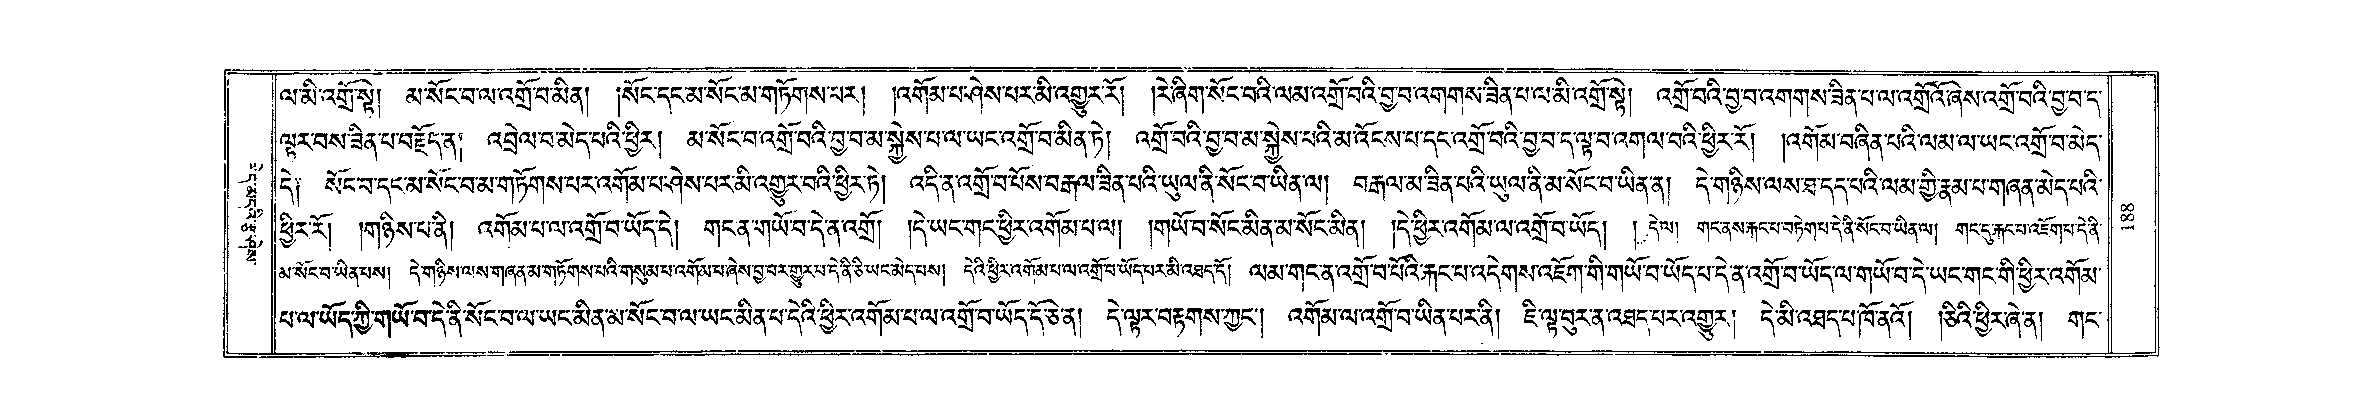ལ་མི་འགྲོ་སྟེ། མ་སོང་བ་ལ་འགྲོ་བ་མིན། །སོང་དང་མ་སོང་མ་གཏོགས་པར། །འགོམ་པ་ཤེས་པར་མི་འགྱུར་རོ། །རེ་ཞིག་སོང་བའི་ལམ་འགྲོ་བའི་བྱ་བ་འགགས་ཟིན་པ་ལ་མི་འགྲོ་སྟེ། འགྲོ་བའི་བྱ་བ་འགགས་ཟིན་པ་ལ་འགྲོའོ་ཞེས་འགྲོ་བའི་བྱ་བ་ད་
ལྟར་བས་ཟིན་པ་བརྗོད་ན། འབྲེལ་བ་མེད་པའི་ཕྱིར། མ་སོང་བ་འགྲོ་བའི་བྱ་བ་མ་སྐྱེས་པ་ལ་ཡང་འགྲོ་བ་མིན་ཏེ། འགྲོ་བའི་བྱ་བ་མ་སྐྱེས་པའི་མ་འོངས་པ་དང་འགྲོ་བའི་བྱ་བ་ད་ལྟ་བ་འགལ་བའི་ཕྱིར་རོ། །འགོམ་བཞིན་པའི་ལམ་ལ་ཡང་འགྲོ་བ་མེད་
དེ༑ སོང་བ་དང་མ་སོང་བ་མ་གཏོགས་པར་འགོམས་པ་ཤེས་པར་མི་འགྱུར་བའི་ཕྱིར་ཏེ། འདི་ན་འགྲོ་བ་པོས་བརྒལ་ཟིན་པའི་ཡུལ་ནི་སོང་བ་ཡིན་ལ། བརྒལ་མ་ཟིན་པའི་ཡུལ་ནི་མ་སོང་བ་ཡིན་ན། དེ་གཉིས་ལས་ཐ་དད་པའི་ལམ་གྱི་རྣམ་པ་གཞན་མེད་པའི་
ཕྱིར་རོ། །གཉིས་པ་ནི། འགོམ་པ་ལ་འགྲོ་བ་ཡོད་དེ། གང་ན་གཡོ་བ་དེ་ན་འགྲོ། །དེ་ཡང་གང་ཕྱིར་འགོམ་པ་ལ། །གཡོ་བ་སོང་མིན་མ་སོང་མིན། །དེ་ཕྱིར་འགོམ་ལ་འགྲོ་བ་ཡོད། །དེ་ལ། གང་ནས་རྐང་པ་བཏེག་པ་དེ་ནི་སོང་བ་ཡིན་ལ། གང་དུ་རྐང་པ་འཇོག་པ་དེ་ནི་
མ་སོང་བ་ཡིན་པས། དེ་གཉིས་ལས་གཞན་མ་གཏོགས་པའི་གསུམ་པ་འགོམ་པ་ཞེས་བྱ་བར་གྱུར་པ་དེ་ནི་ཅི་ཡང་མེད་པས། དེའི་ཕྱིར་འགོམ་པ་ལ་འགྲོ་བ་ཡོད་པར་མི་འཐད་དོ། ལམ་གང་ན་འགྲོ་བ་པོའི་རྐང་པ་འདེགས་འཇོག་གི་གཡོ་བ་ཡོད་པ་དེ་ན་འགྲོ་བ་ཡོད་ལ་གཡོ་བ་དེ་ཡང་གང་གི་ཕྱིར་འགོམ་
པ་ལ་ཡོད་ཀྱི་གཡོ་བ་དེ་ནི་སོང་བ་ལ་ཡང་མིན་མ་སོང་བ་ལ་ཡང་མིན་པ་དེའི་ཕྱིར་འགོམ་པ་ལ་འགྲོ་བ་ཡོད་དོ་ཅེ་ན། དེ་ལྟར་བརྟགས་ཀྱང་། འགོམ་ལ་འགྲོ་བ་ཡིན་པར་ནི། ཇི་ལྟ་བུར་ན་འཐད་པར་འགྱུར། དེ་མི་འཐད་པ་ཁོ་ནའོ། །ཅིའི་ཕྱིར་ཞེ་ན། གང་